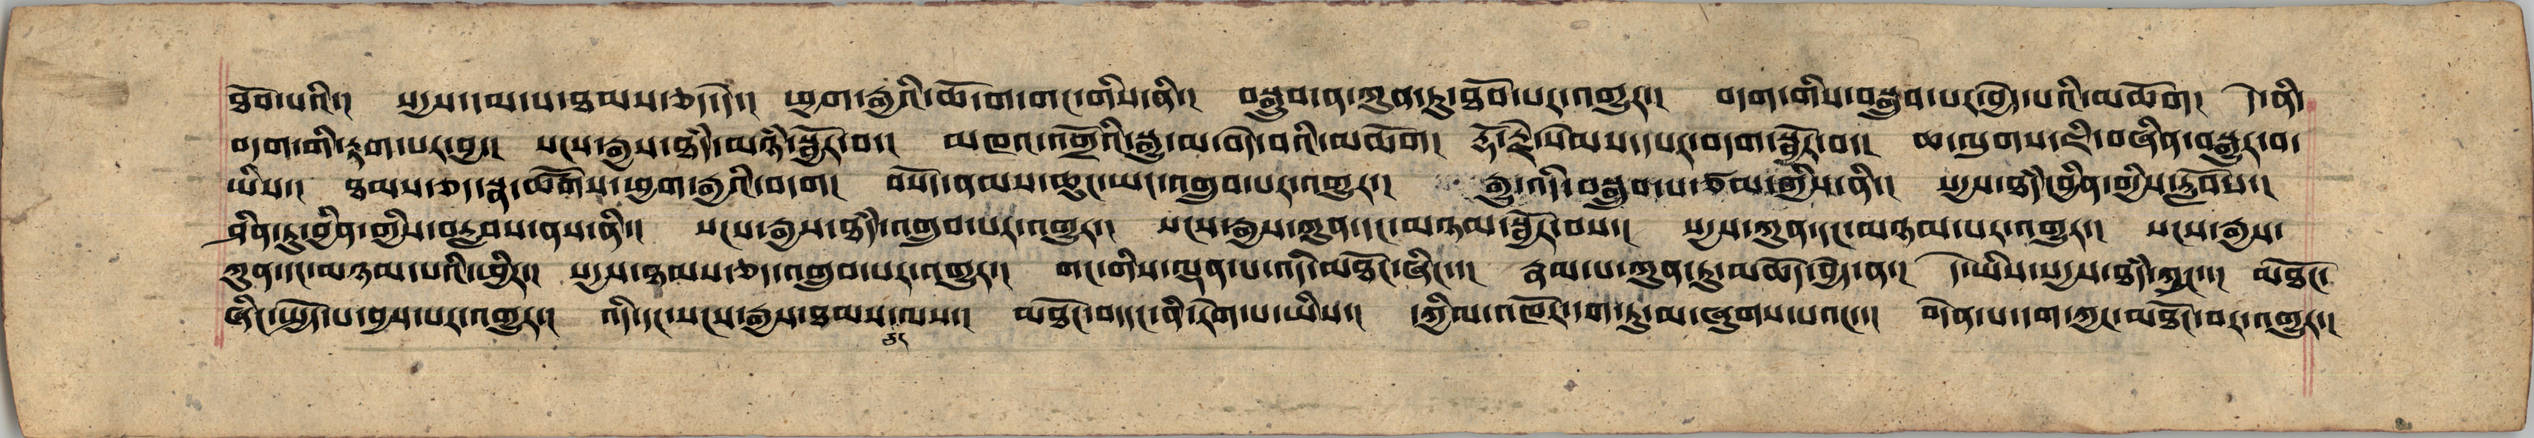ཐོབ་པའི་། སདྱས་དམ་པ་ཐམས་ཅད་དེ་། ཕྱག་རྒྱའི་ཆོ་ག་གང་གིས་ནི་། བསྒྲུབ་ན་ཀུན་ཏུ་ཐོབ་པར་འགྱུར་། བདག་གིས་བསྒྲུབ་པར་བྱེད་པའི་མཆོག། དེ་ནི་
བདག་གི་རྟག་པར་བྱ་། སངས་རྒྱས་ཐཾད་མཉཾ་སྦྱོར་བ་། མཁའ་འགྲོའི་སྒྱུ་མ་བདེ་བའི་མཆོག། རྡོ་རྗེ་སེམས་དཔར་བདག་སྦྱོར་བ་། ཆ་ལུགས་ཇི་བཞིན་བསྒྱུར་བ་
ཡིས་། ཐམས་ཅད་སྣ་ཚོགས་ཕྱག་རྒྱའི་བདག། བསོད་ནམས་ཆུང་ཡང་འགྲུབ་པར་འགྱུར་། རྒྱུ་འདི་བསྒྲུབ་པ་ཙམ་གྱིས་ནི་། སདྱས་ཐཾད་བྱིན་གྱིས་རློབས་།
ཤིན་ཏུ་བྱིན་གྱིས་བརླབས་ནས་ནི་། སངས་རྒྱས་ཐཾད་འགྲུབ་པར་འགྱུར་། སངས་རྒྱས་ཀུན་དང་མཉམ་སྦྱོར་བས་། སདྱས་ཀུན་དང་མཉམ་པར་འགྱུར་། སངས་རྒྱས་
ཀུན་དང་མཉམ་པའི་ཕྱིར་། སདྱས་ཐམས་ཅད་འགྲུབ་པར་འགྱུར་། གང་གིས་ལྡན་པ་འདི་མཐོང་ཞིང་་། རྣམ་པ་ཀུན་ཏུ་མཆོད་བྱེད་ན་། དེ་ཡིས་སདྱས་ཐཾད་ཀྱང་་། མཐོང་
ཞིང་སྤྱོད་པ་བྱས་པར་འགྱུར་། འདི་དང་སངས་རྒྱས་ཐམས་ཅད་ལས་། མཐོང་བ་དང་ནི་རེག་པ་ཡིས་། དཀྱིལ་འཁོར་དག་ཏུ་མ་ཞུགས་པའང་་། བདེན་པ་དག་ཀྱང་མཐོང་བར་འགྱུར་།